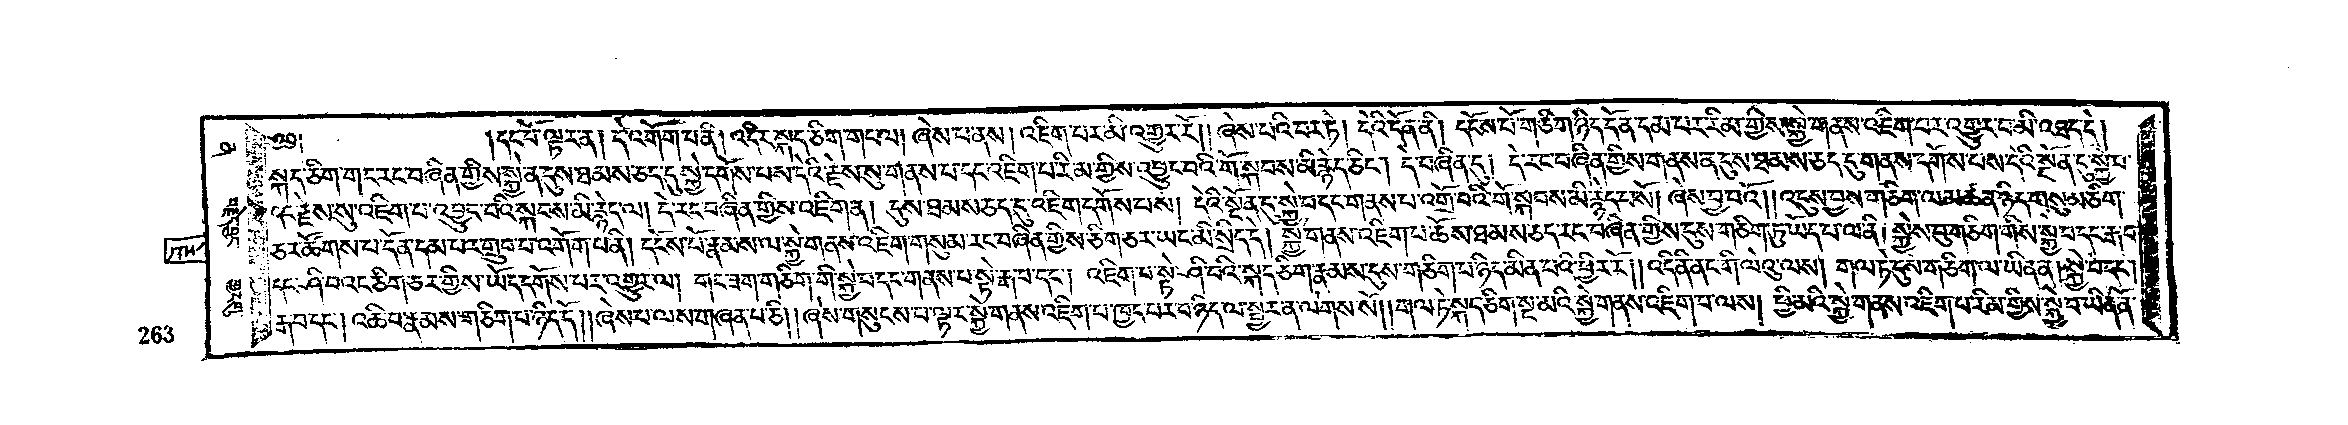༄༅། །དང་པོ་ལྟར་ན། དེ་འགོག་པ་ནི། འདིར་སྐད་ཅིག་གང་ལ། ཞེས་པ་ནས། འཇིག་པར་མི་འགྱུར་རོ། །ཞེས་པའི་བར་ཏེ། དེའི་དོན་ནི། དངོས་པོ་གཅིག་ཉིད་དོན་དམ་པར་རིམ་གྱིས་སྐྱེ་གནས་འཇིག་པར་འགྱུར་བ་མི་འཐད་དེ།
སྐད་ཅིག་གང་རང་བཞིན་གྱིས་སྐྱེན་དུས་ཐམས་ཅད་དུ་སྐྱེ་དགོས་པས་དེའི་རྗེས་སུ་གནས་པ་དང་འཇིག་པ་རིམ་གྱིས་འབྱུང་བའི་གོ་སྐབས་མི་རྙེད་ཅིང་། དེ་བཞིན་དུ། དེ་རང་བཞིན་གྱིས་གནས་ན་དུས་ཐམས་ཅད་དུ་གནས་དགོས་པས་དེའི་སྔོན་དུ་སྐྱེ་བ་
དང་རྗེས་སུ་འཇིག་པ་འབྱུང་བའི་སྐབས་མི་རྙེད་ལ། དེ་རང་བཞིན་གྱིས་འཇིག་ན། དུས་ཐམས་ཅད་དུ་འཇིག་དགོས་པས། དེའི་སྔོན་དུ་སྐྱེ་བ་དང་གནས་པ་འགྲོ་བའི་གོ་སྐབས་མི་རྙེད་པས་སོ། ཞེས་བྱ་བའོ། །འདུས་བྱས་གཅིག་ལ་མཚན་ཉིད་གསུམ་ཅིག་
ཅར་ཚོགས་པ་དོན་དམ་པར་གྲུབ་པ་འགོག་པ་ནི། དངོས་པོ་རྣམས་ལ་སྐྱེ་གནས་འཇིག་གསུམ་རང་བཞིན་གྱིས་ཅིག་ཅར་ཡང་མི་སྲིད་དེ། སྐྱེ་གནས་འཇིག་པ་ཆོས་ཐམས་ཅད་རང་བཞིན་གྱིས་དུས་གཅིག་ཏུ་ཡོད་པ་ལ་ནི། སྐྱེས་བུ་གཅིག་གིས་སྐྱེ་བ་དང་རྒ་བ་
དང་ཤི་བའང་ཅིག་ཅར་གྱིས་ཡོད་དགོས་པར་འགྱུར་ལ། གང་ཟག་གཅིག་གི་སྐྱེ་བ་དང་གནས་པ་སྟེ་རྒ་བ་དང་། འཇིག་པ་སྟེ་ཤི་བའི་སྐད་ཅིག་རྣམས་དུས་གཅིག་པ་ཉིད་མིན་པའི་ཕྱིར་རོ། །འདི་ནི་ནང་གི་ལེའུ་ལས། གལ་ཏེ་དུས་གཅིག་ལ་ཡིན་ན། སྐྱེ་བ་དང་།
རྒ་བ་དང་། འཆི་བ་རྣམས་གཅིག་པ་ཉིད་དོ། །ཞེས་པ་ལས་གཞན་པ་ཅི། །ཞེས་གསུངས་པ་ལྟར་སྐྱེ་གནས་འཇིག་པ་ཁྱད་པར་བ་ཉིད་ལ་སྦྱར་ན་ལེགས་སོ། །གལ་ཏེ་སྐད་ཅིག་སྔ་མའི་སྐྱེ་གནས་འཇིག་པ་ལས། ཕྱི་མའི་སྐྱེ་གནས་འཇིག་པ་རིམ་གྱིས་སྐྱེ་བ་ཡིན་ནོ་